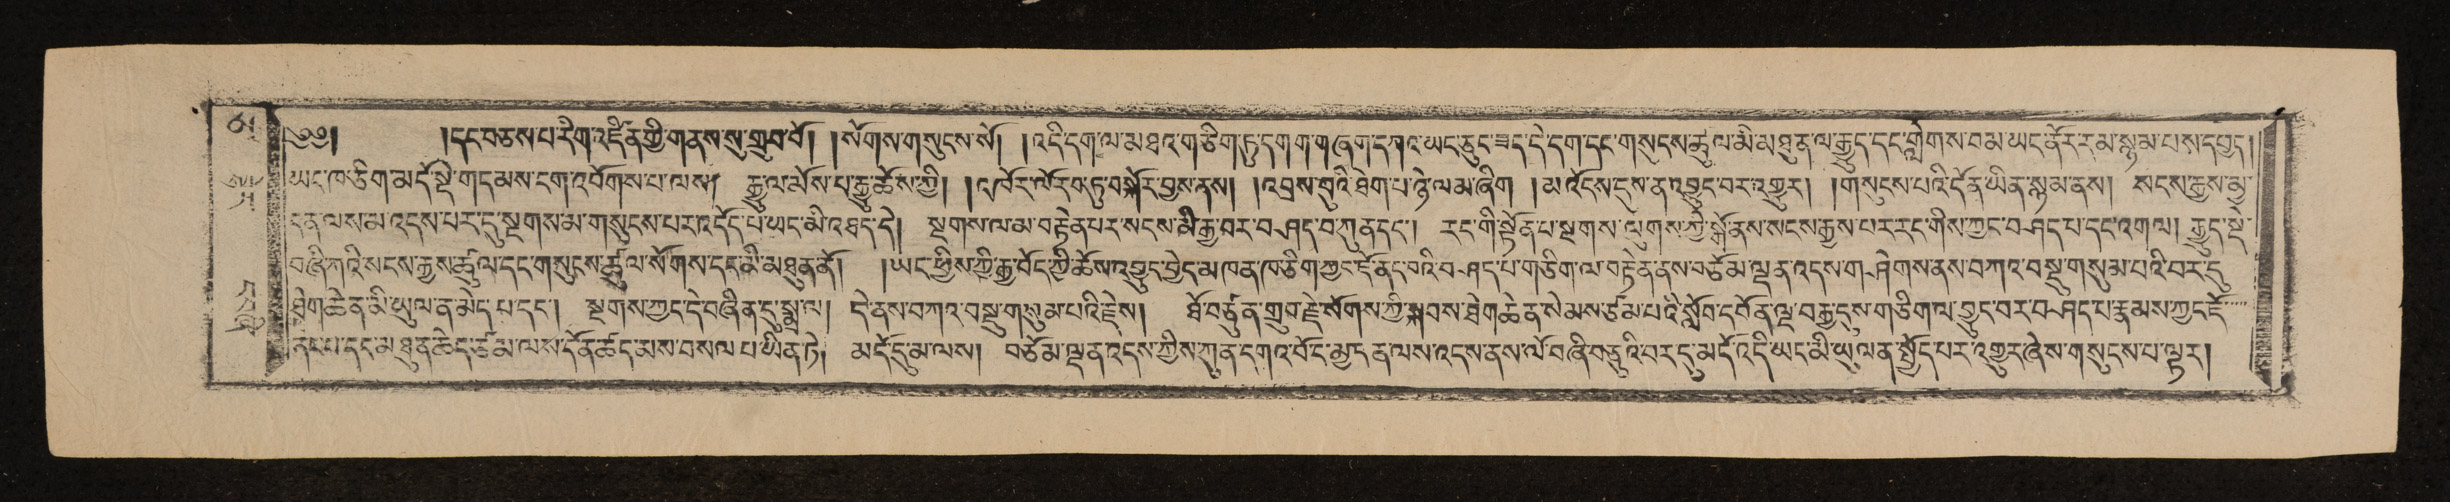༄༅། །དང་བཅས་པ་རིག་འཛིན་གྱི་གནས་སུ་གྲུབ་བོ། །སོགས་གསུངས་སོ། །འདི་དག་ལ་མཐའ་གཅིག་ཏུ་དགག་གཞག་དཀའ་ཡང་ཅུང་ཟད་དེ་དག་དང་གསུངས་ཚུལ་མི་མཐུན་ལ་རྒྱུད་དང་གླེགས་བམ་ཡང་ནོར་རམ་སྙམ་པས་དཔྱད།
ཡང་ཁ་ཅིག་མདོ་སྡེ་གདམས་ངག་འབོགས་པ་ལས། རྒྱུ་ལ་མོས་བ་རྒྱུ་ཆོས་ཀྱི། །འཁོར་ལོ་རབ་ཏུ་བསྐོར་བྱས་ནས། །འབྲས་བུའི་ཐེག་པ་ཉེ་ལམ་ཞིག །མ་འོངས་དུས་ན་འབྱུང་བར་འགྱུར། །གསུངས་པའི་དོན་ཡིན་སྙམ་ནས། སངས་རྒྱས་མྱ་
ངན་ལས་མ་འདས་པར་དུ་སྔགས་མ་གསུངས་པར་འདོད་པ་ཡང་མི་འཐད་དེ། སྔགས་ལམ་བརྟེན་པར་སངས་མི་རྒྱ་བར་བཤད་བ་ཀུན་དང་། རང་གི་སྟོན་པ་སྔགས་ལུགས་ཀྱི་སྒོ་ནས་སངས་རྒྱས་པར་རང་གིས་ཀྱང་བཤད་པ་དང་འགལ། རྒྱུད་སྡེ་
བཞི་ཀའི་སངས་རྒྱས་ཚུལ་དང་གསུངས་ཚུལ་སོགས་དང་མི་མཐུན་ནོ། །ཡང་ཕྱིས་ཀྱི་རྒྱ་བོད་ཀྱི་ཆོས་འབྱུང་བྱེད་མཁན་ཁ་ཅིག་ཀྱང་ཇོ་ནང་བའི་བཤད་པ་གཅིག་ལ་བརྟེན་ནས་བཅོམ་ལྡན་འདས་གཤེགས་ནས་བཀའ་བསྡུ་གསུམ་པའི་བར་དུ་
ཐེག་ཆེན་མི་ཡུལ་ན་མེད་པ་དང་། སྔགས་ཀྱང་དེ་བཞིན་དུ་སྨྲ་ལ། དེ་ནས་བཀའ་བསྡུ་གསུམ་པའི་རྗེས། ཐོ་བཙུན་གྲུབ་རྗེ་སོགས་ཀྱི་སྐབས་ཐེག་ཆེན་སེམས་ཙམ་པའི་སློབ་དཔོན་ལྔ་བརྒྱ་དུས་གཅིག་ལ་བྱུང་བར་བཤད་པ་རྣམས་ཀྱང་ཇོ་
ནང་བ་དང་མཐུན་ཆེད་ཙམ་ལས་དོན་ཚད་མས་བསལ་པ་ཡིན་ཏེ། མདོ་དུ་མ་ལས། བཅོམ་ལྡན་འདས་ཀྱིས་ཀུན་དགའ་བོ་ང་མྱ་ངན་ལས་འདས་ནས་ལོ་བཞི་བཅུའི་བར་དུ་མདོ་འདི་ཡང་མི་ཡུལ་ན་སྤྱོད་པར་འགྱུར་ཞེས་གསུངས་པ་ལྟར།